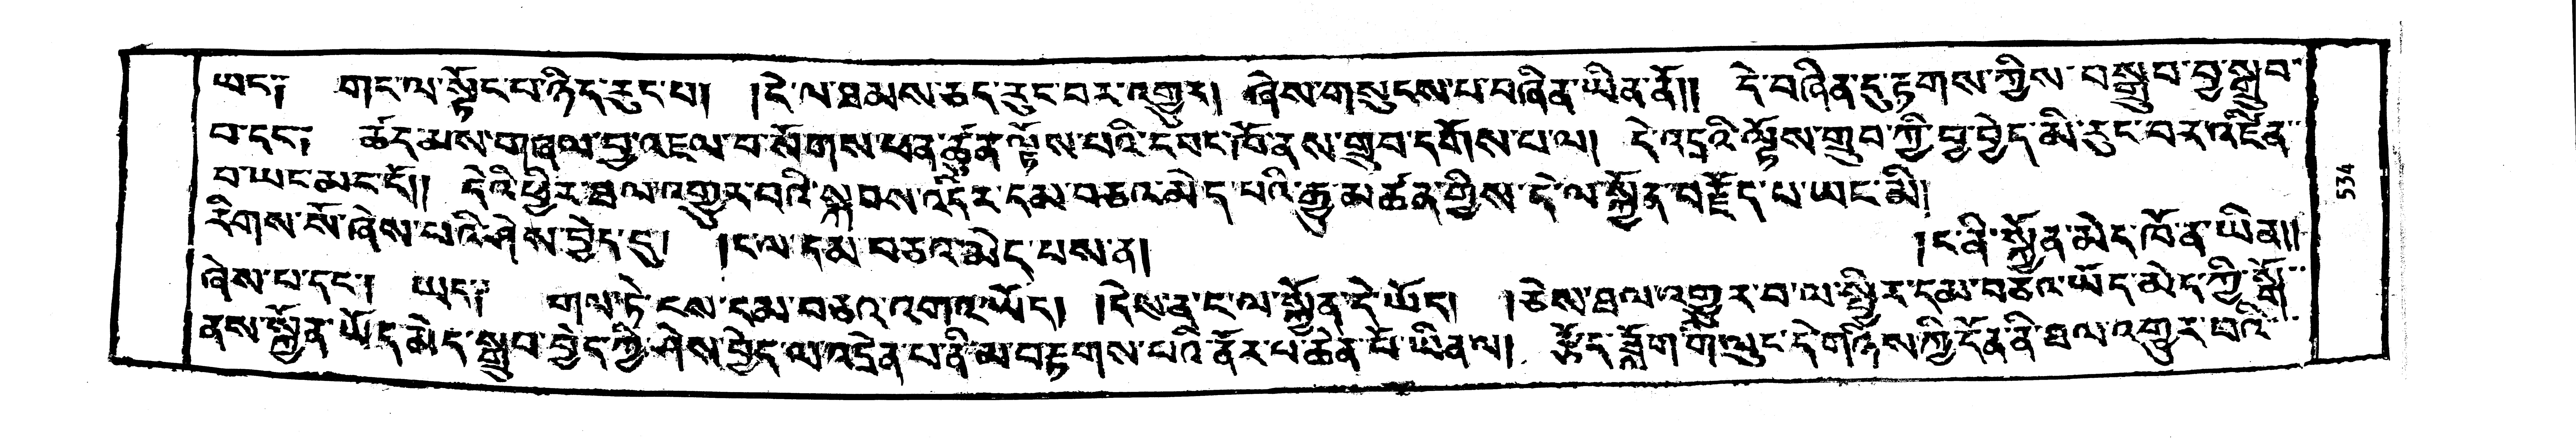ཡང༑ གང་ལ་སྟོང་པ་ཉིད་རུང་པ། །དེ་ལ་ཐམས་ཅད་རུང་བར་འགྱུར། ཞེས་གསུངས་པ་བཞིན་ཡིན་ནོ། །དེ་བཞིན་དུ་རྟགས་ཀྱིས་བསྒྲུབ་བྱ་སྒྲུབ་
བ་དང༑ ཚད་མས་གཞལ་བྱ་འཇལ་བ་སོགས་ཕན་ཚུན་ལྟོས་པའི་དབང་ཁོ་ནས་གྲུབ་དགོས་པ་ལ། དེ་འདྲའི་ལྟོས་གྲུབ་ཀྱི་བྱ་བྱེད་མི་རུང་བར་འཛིན་
བ་ཡང་མང་ངོ། །དེའི་ཕྱིར་ཐལ་འགྱུར་བའི་སྐབས་འདིར་དམ་བཅའ་མེད་པའི་རྒྱུ་མཚན་གྱིས་དེ་ལ་སྐྱོན་བརྗོད་པ་ཡང་མི།
རིགས་སོ་ཞེས་པའི་ཤེས་བྱེད་དུ། །ང་ལ་དམ་བཅའ་མེད་པས་ན། །ང་ནི་སྐྱོན་མེད་ཁོ་ན་ཡིན། །
ཞེས་པ་དང་། ཡང༑ གལ་ཏེ་ངས་དམ་བཅའ་འགའ་ཡོད། །དེས་ན་ང་ལ་སྐྱོན་དེ་ཡོད། །ཅེས་ཐལ་འགྱུར་བ་ལ་སྤྱིར་དམ་བཅའ་ཡོད་མེད་ཀྱི་སྒོ་
ནས་སྐྱོན་ཡོད་མེད་སྒྲུབ་བྱེད་ཀྱི་ཤེས་བྱེད་ལ་འདྲེན་པ་ནི་མ་བརྟགས་པའི་ནོར་པ་ཆེན་པོ་ཡིན་ལ། རྩོད་ཟློག་གི་ལུང་དེ་གཉིས་ཀྱི་དོན་ནི་ཐལ་འགྱུར་པའི་